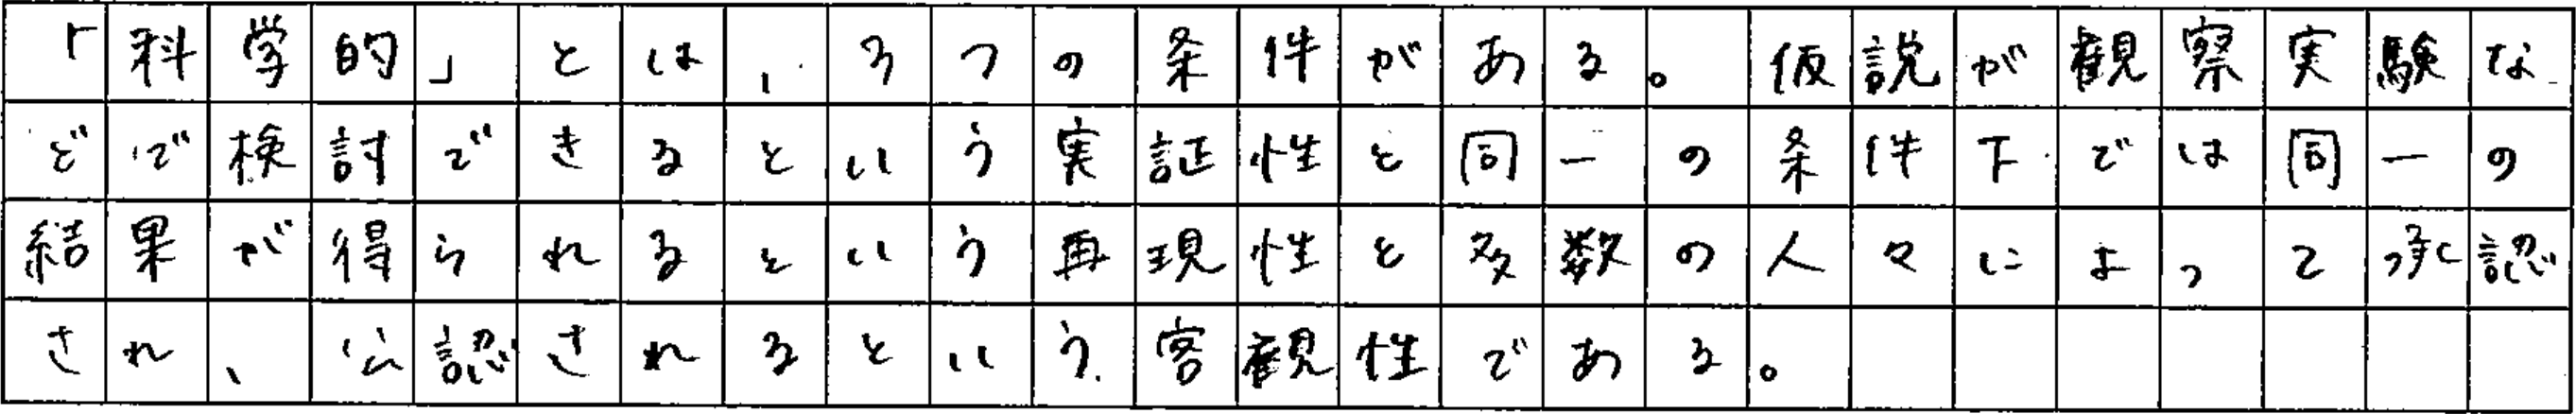「科学的」とは、３つの条件がある。仮説が観察実験などで検討できるという実証性と同一の条件下では同一の結果が得られるという再現性と多数の人々によって承認され、公認されるという客観性である。
